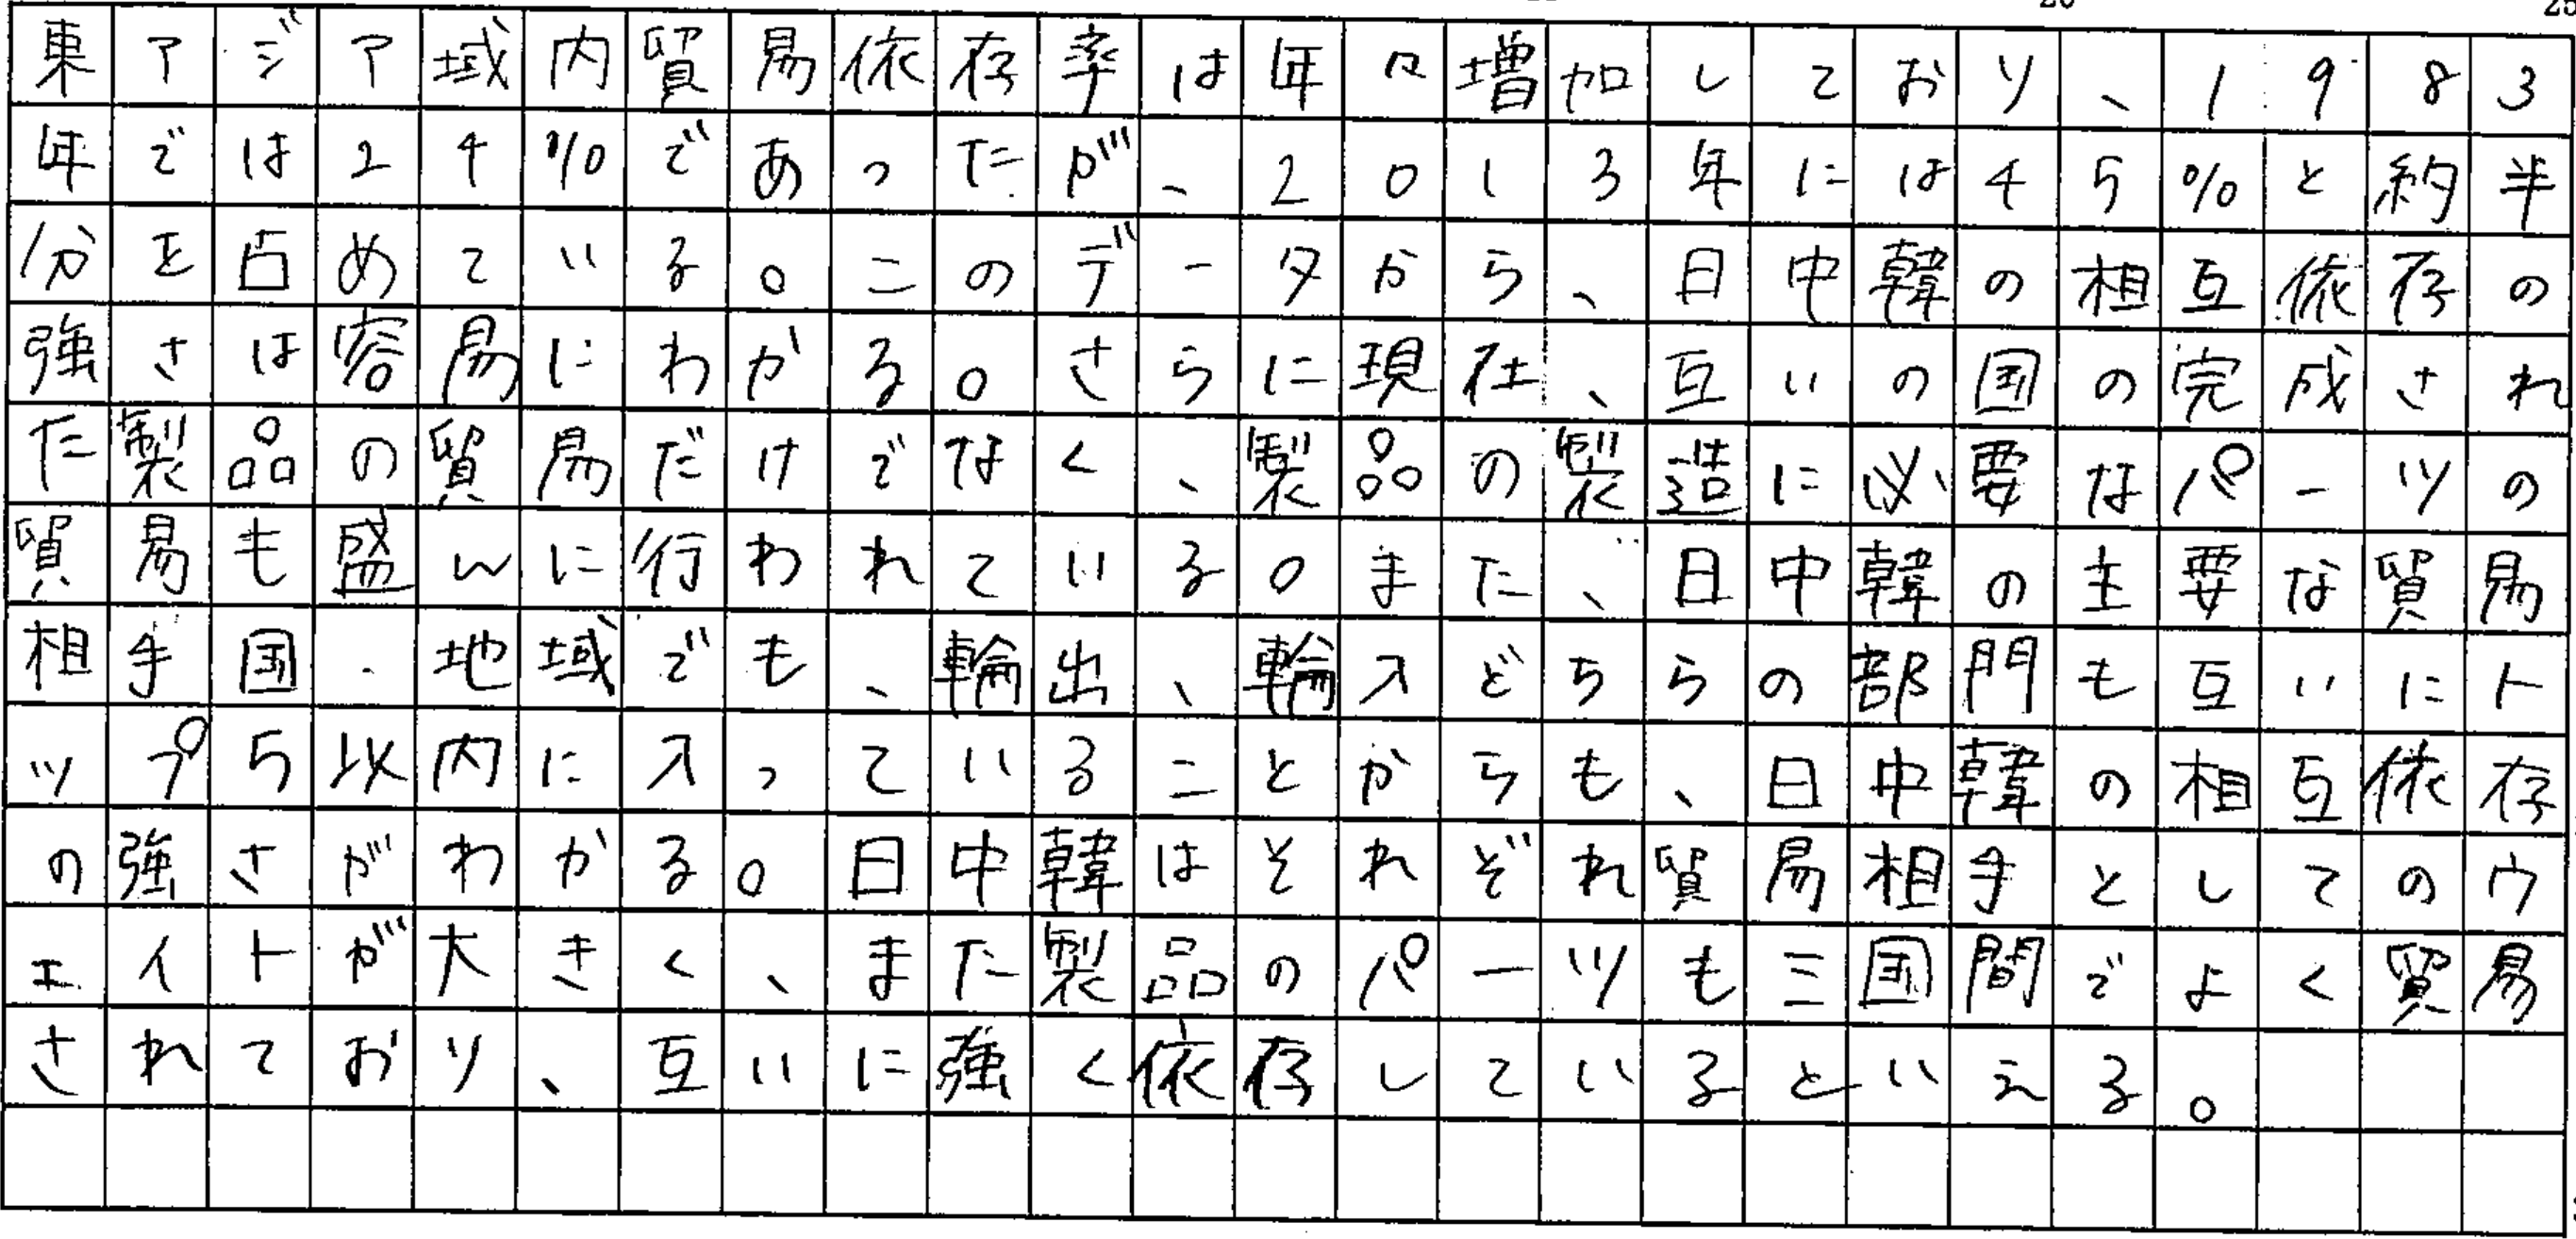東アジア域内貿易依存率は年々増加しており、１９８３年では２４％であったが、２０１３年には４５％と約半分を占めている。このデータから、日中韓の相互依存の強さは容易にわかる。さらに現在、互いの国の完成された製品の貿易だけでなく、製品の製造に必要なパーツの貿易も盛んに行われている。また、日中韓の主要な貿易相手国・地域でも、輸出、輸入どちらの部門も互いにトップ５以内に入っていることからも、日中韓の相互依存の強さがわかる。日中韓はそれぞれ貿易相手としてのウェイトが大きく、また製品のパーツも三国間でよく貿易されており、互いに強く依存しているといえる。
